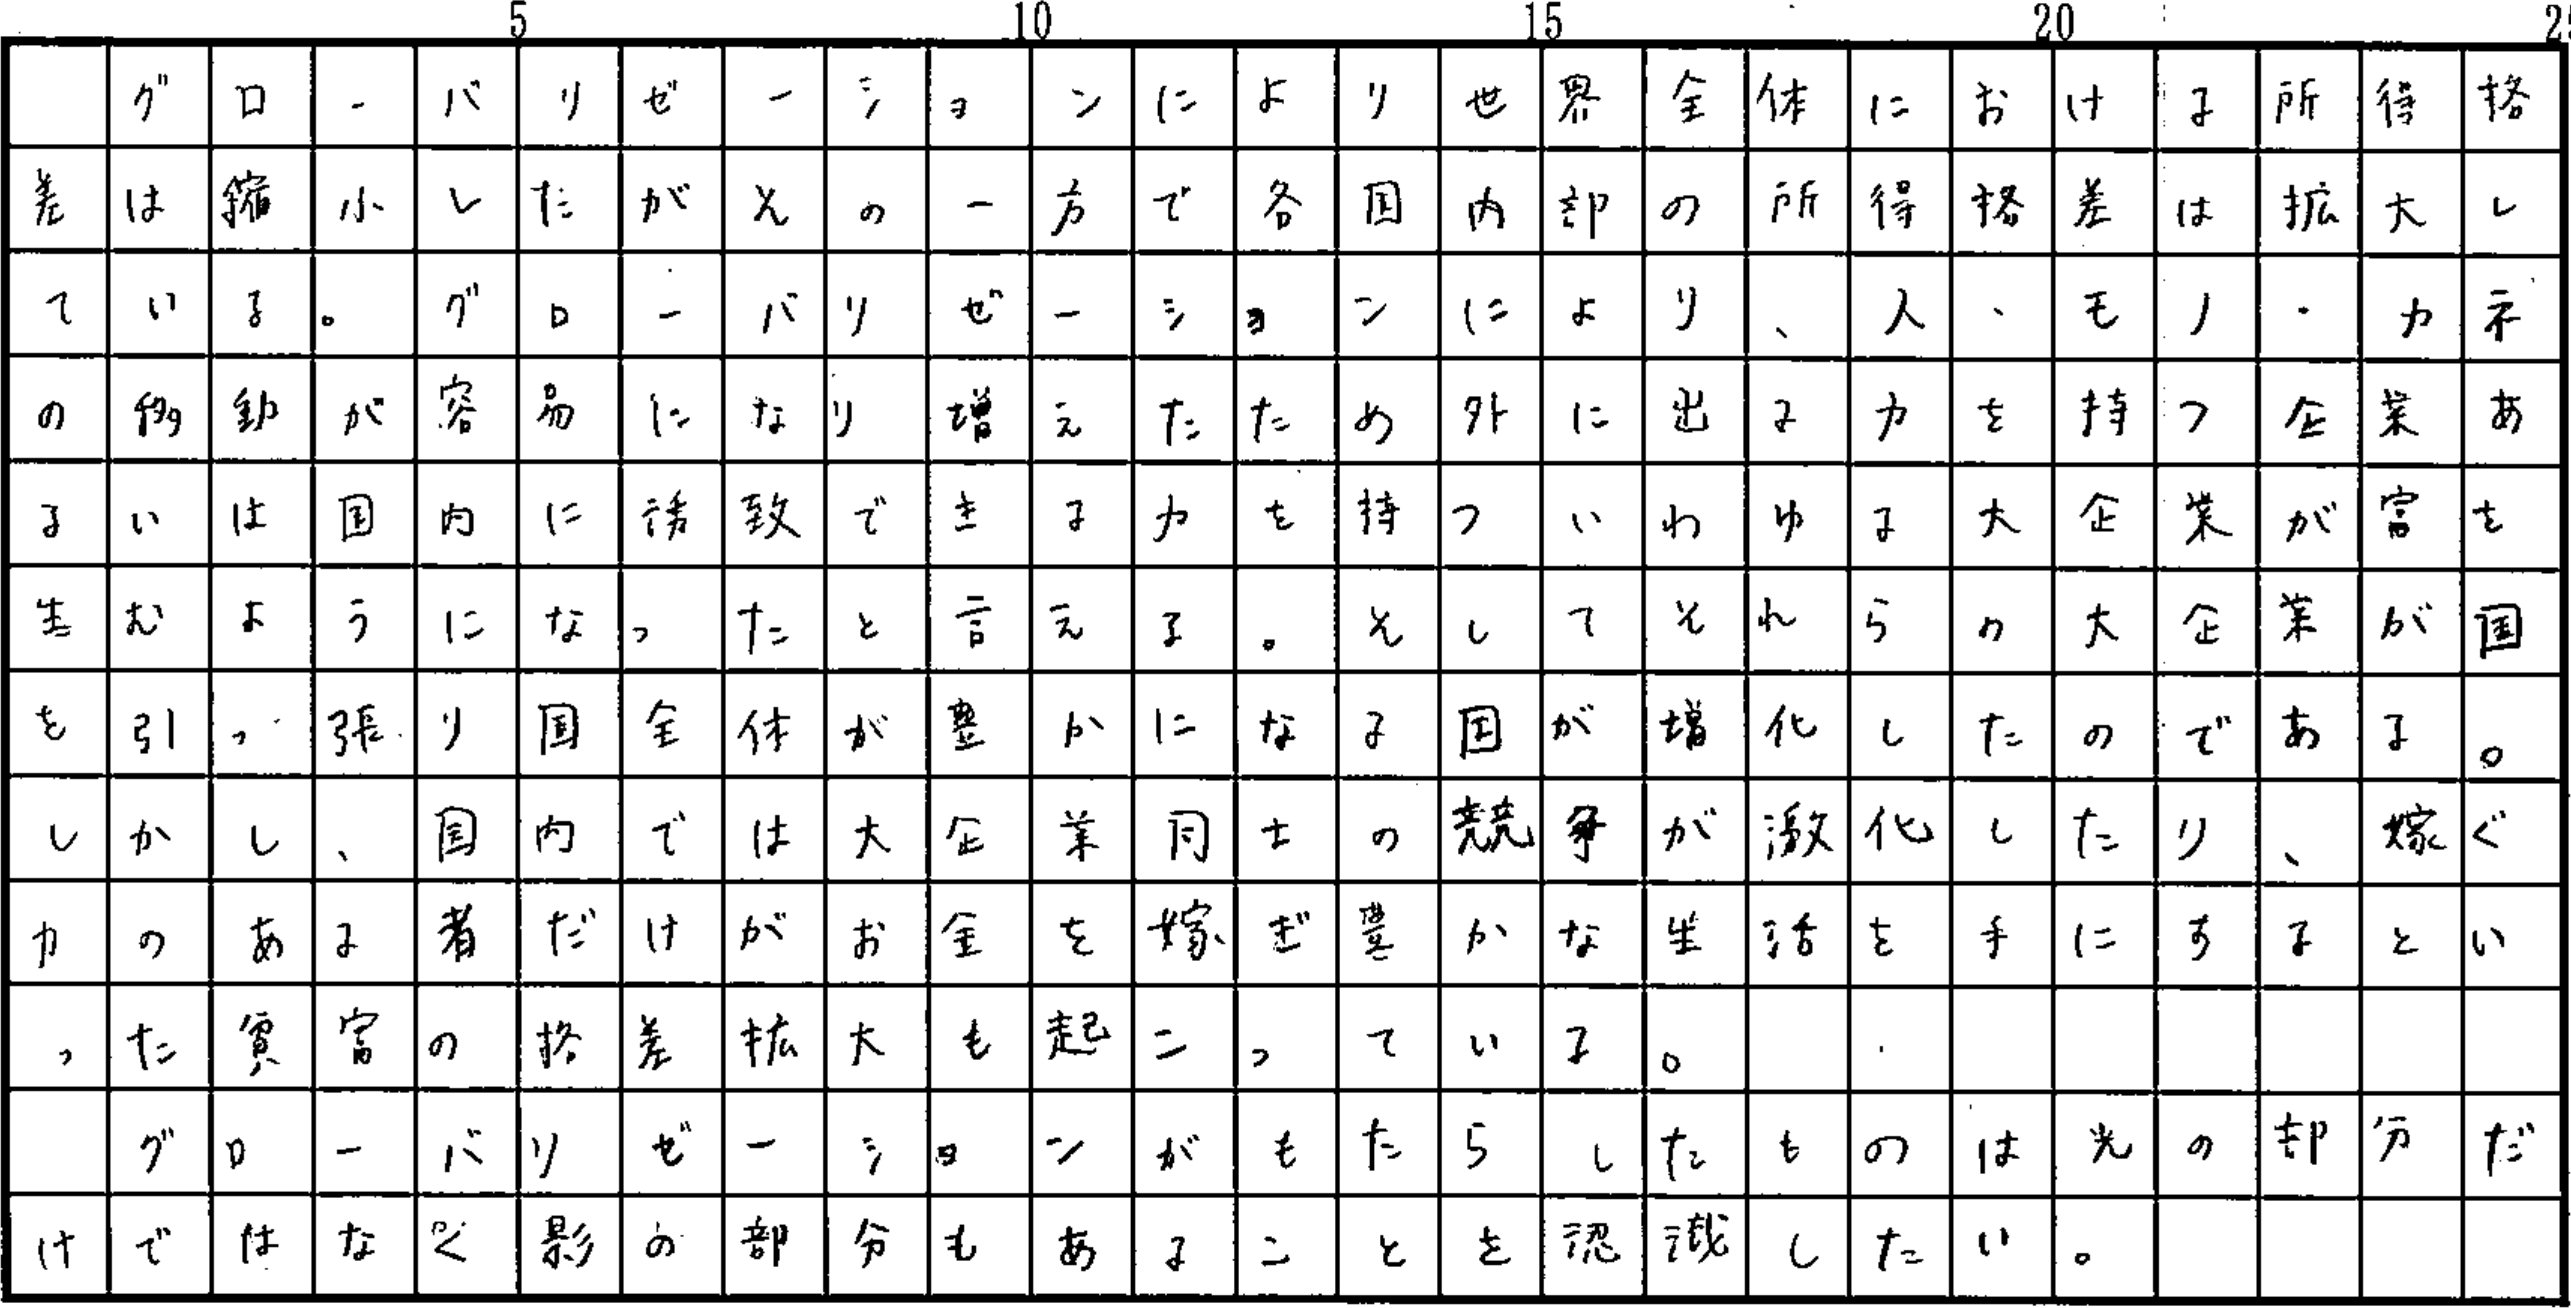　グローバリゼーションにより世界全体における所得格差は縮小したがその一方で各国内部の所得格差は拡大している。グローバリゼーションにより、人・モノ・カネの移動が容易になり増えたため外に出る力を持つ企業あるいは国内に誘致できる力を持ついわゆる大企業が富を生むようになったと言える。そしてそれらの大企業が国を引っ張り国全体が豊かになる国が増化したのである。しかし、国内では大企業同士の競争が激化したり、嫁ぐ力のある者だけがお金を嫁ぎ▁かな生活を手にするといった貧富の格差拡大も起こっている。
　グローバリゼーションがもたらしたものは光の部分だけではなく影の部分もあることを認識したい。
